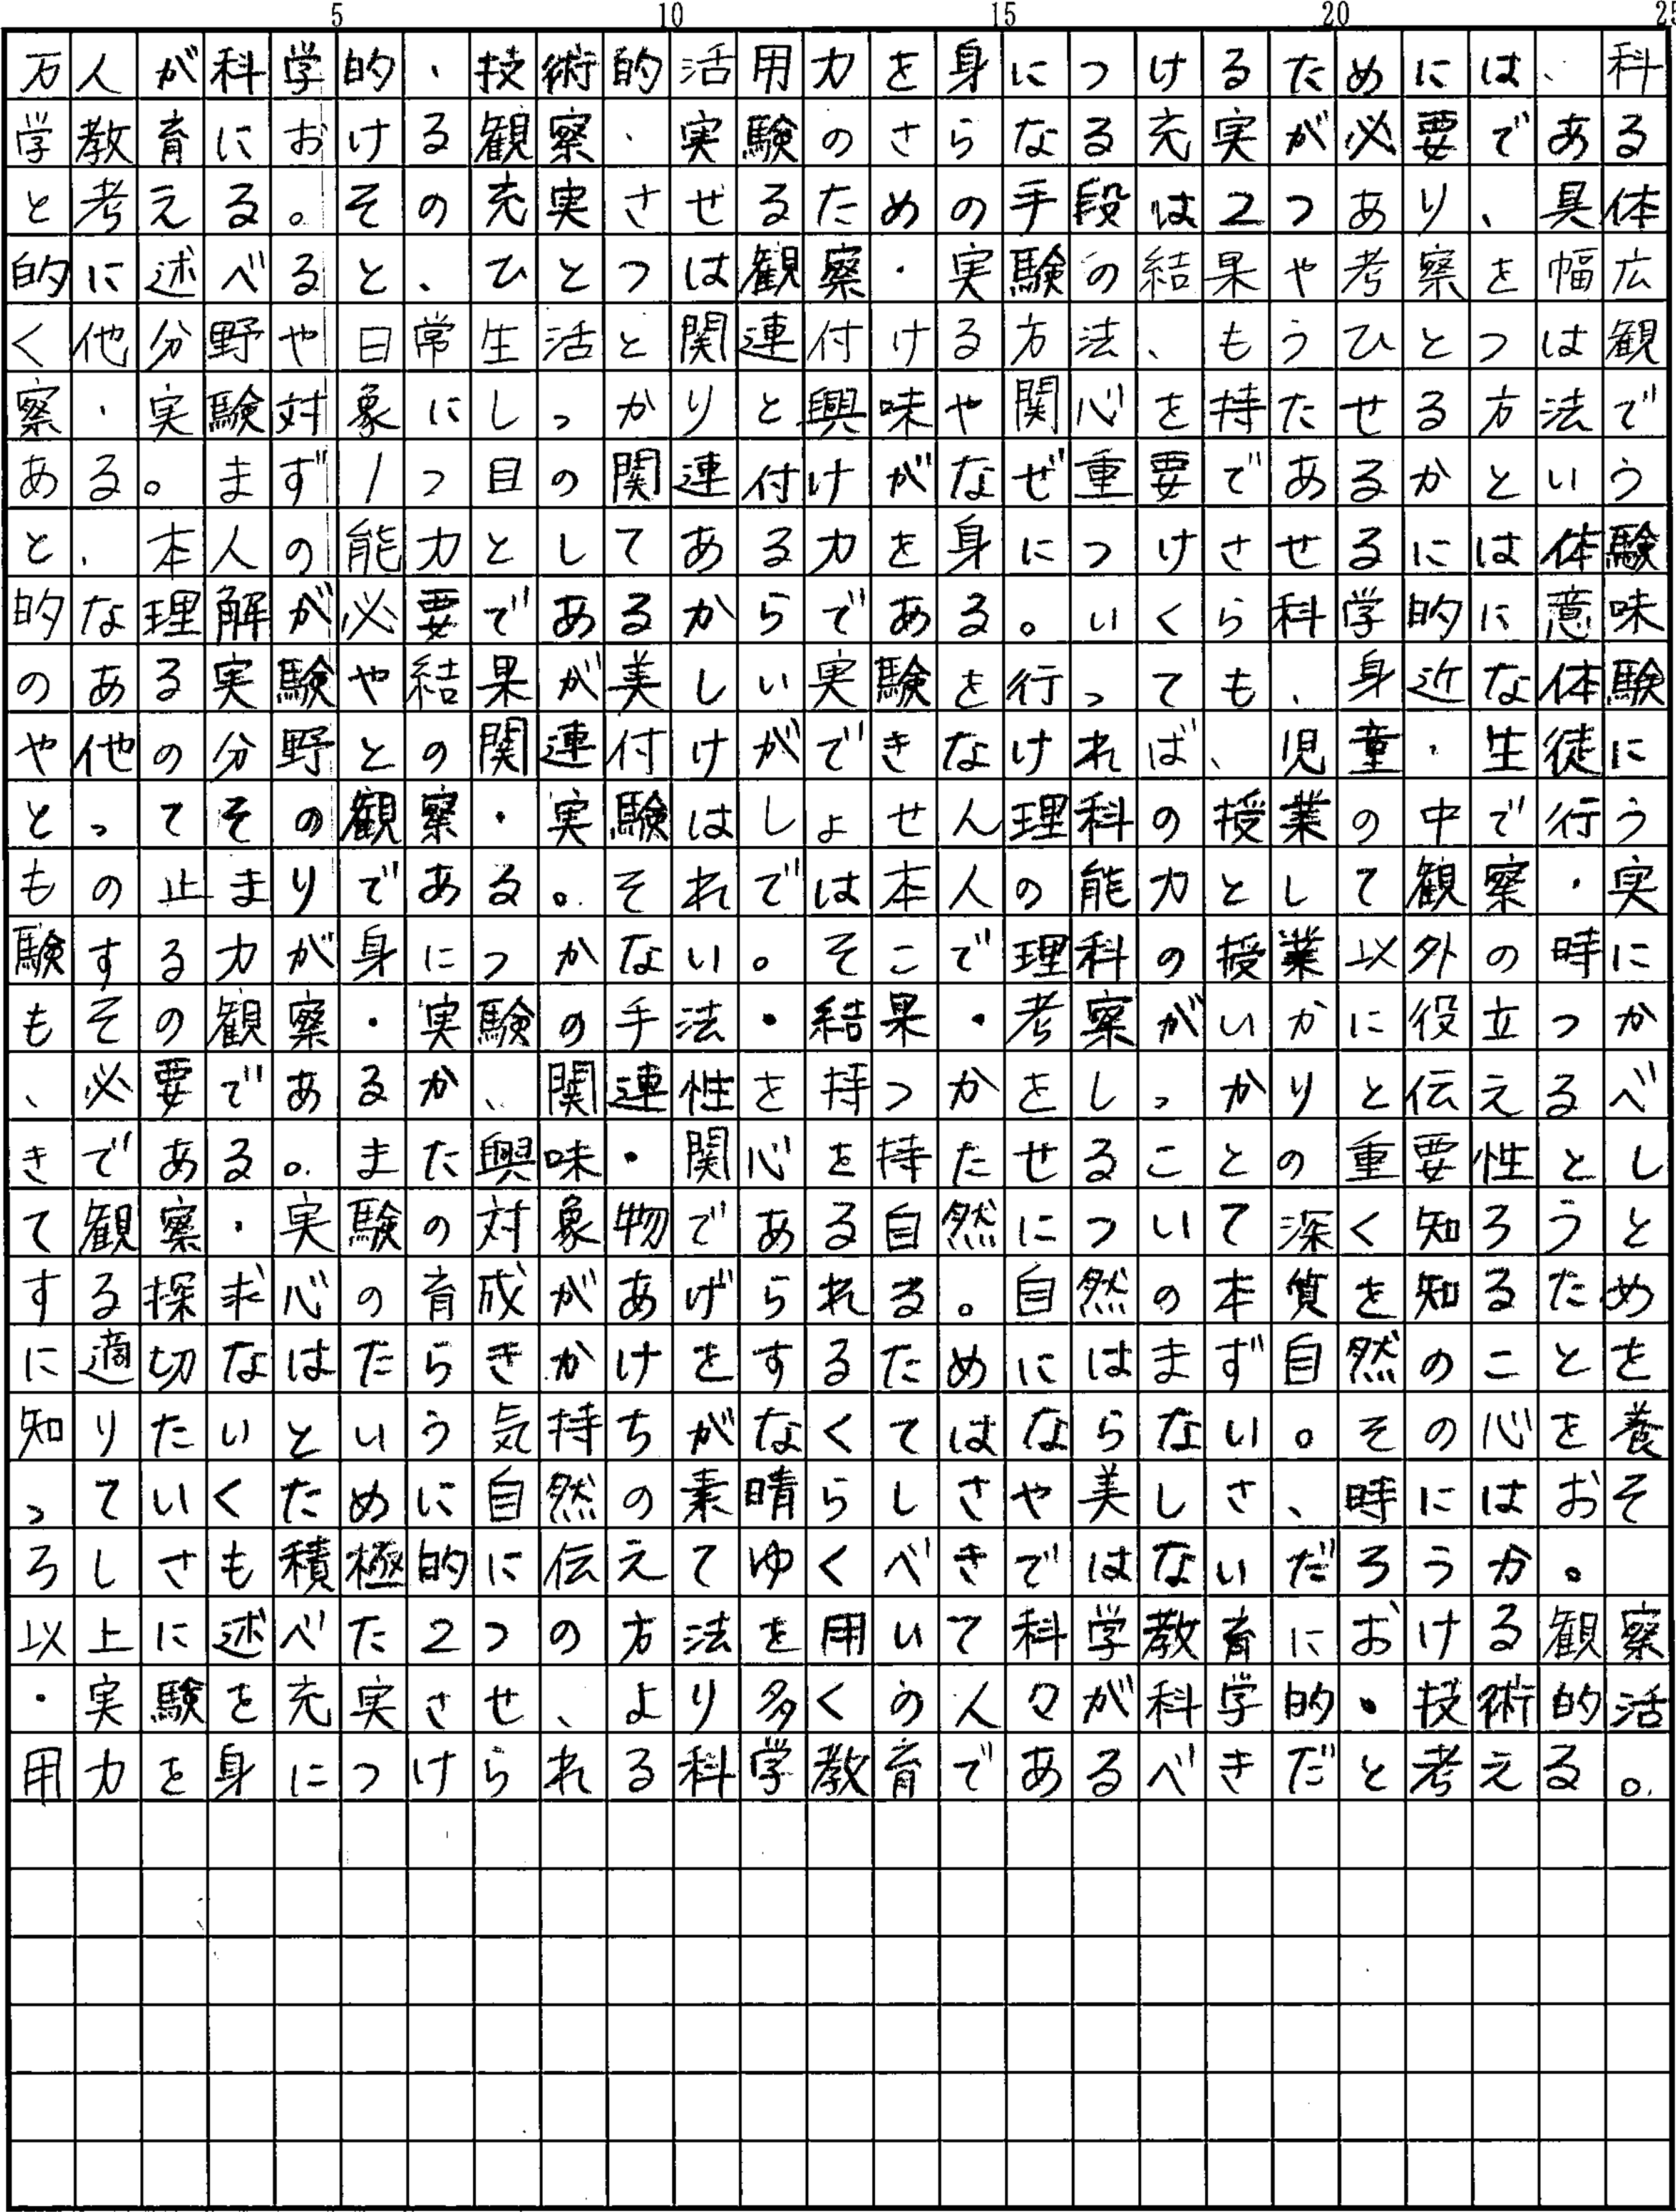万人が科学的・技術的活用力を身につけるためには、科学教育における観察・実験のさらなる充実が必要であると考える。その充実させるための手段は２つあり、具体的に述べると、ひとつは観察・実験の結果や考察を幅広く他分野や日常生活と関連付ける方法、もうひとつは観察・実験対象にしっかりと興味や関心を持たせる方法である。まず１つ目の関連付けがなぜ重要であるかというと、本人の能力としてある力を身につけさせるには体験的な理解が必要であるからである。いくら科学的に意味のある実験や結果が美しい実験を行っても、身近な体験や他の分野との関連付けができなければ、児童・生徒にとってその観察・実験はしょせん理科の授業の中で行うもの止まりである。それでは本人の能力として観察・実験する力が身につかない。そこで理科の授業以外の時にもその観察・実験の手法・結果・考察がいかに役立つか、必要であるか、関連性を持つかをしっかりと伝えるべきである。また興味・関心を持たせることの重要性として観察・実験の対象物である自然について深く知ろうとする探求心の育成があげられる。自然の本質を知るために適切なはたらきかけをするためにはまず自然のことを知りたいという気持ちがなくてはならない。その心を養っていくために自然の素晴らしさや美しさ、時にはおそろしさも積極的に伝えてゆくべきではないだろうか。　以上に述べた２つの方法を用いて科学教育における観察・実験を充実させ、より多くの人々が科学的・技術的活用力を身につけられる科学教育であるべきだと考える。
